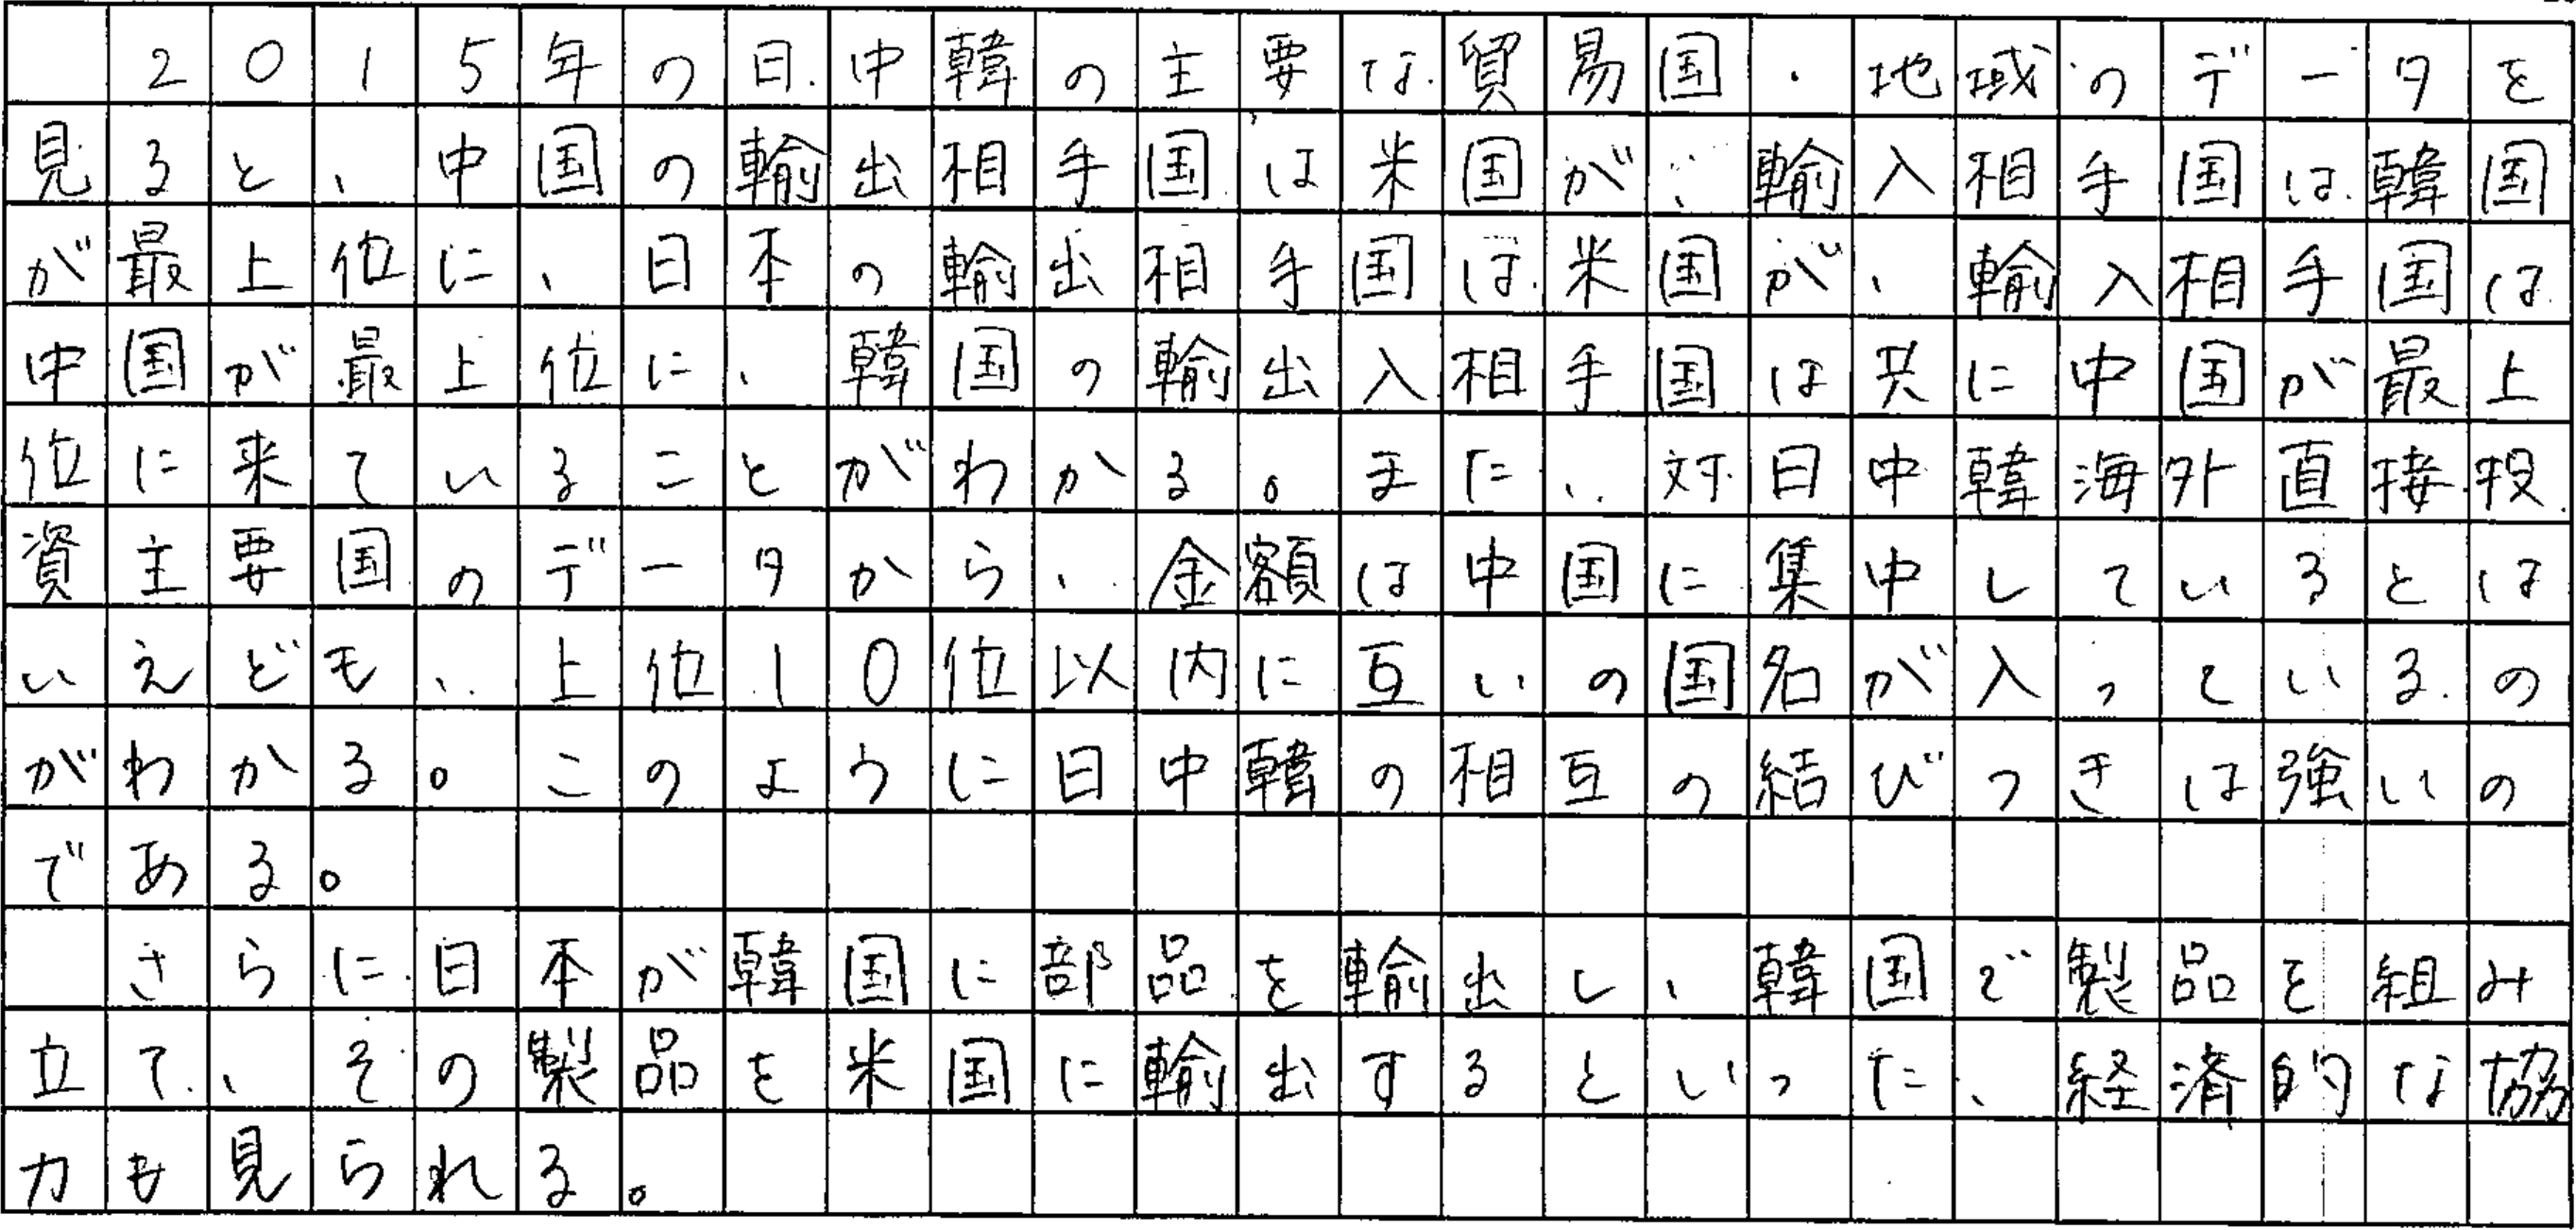　２０１５年の日中韓の主要な貿易国・地域のデータを見ると、中国の輸出相手国は米国が、輸入相手国は韓国が最上位に、日本の輸出相手国は米国が、輸入相手国は中国が最上位に、韓国の輸出入相手国は共に中国が最上位に来ていることがわかる。また、対日中韓海外直接投資主要国のデータから、金額は中国に集中しているとはいえども、上位１０位以内に互いの国名が入っているのがわかる。このように日中韓の相互の結びつきは強いのである。
　さらに日本が韓国に部品を輸出し、韓国で製品を組み立て、その製品を米国に輸出するといった、経済的な協力も見られる。
